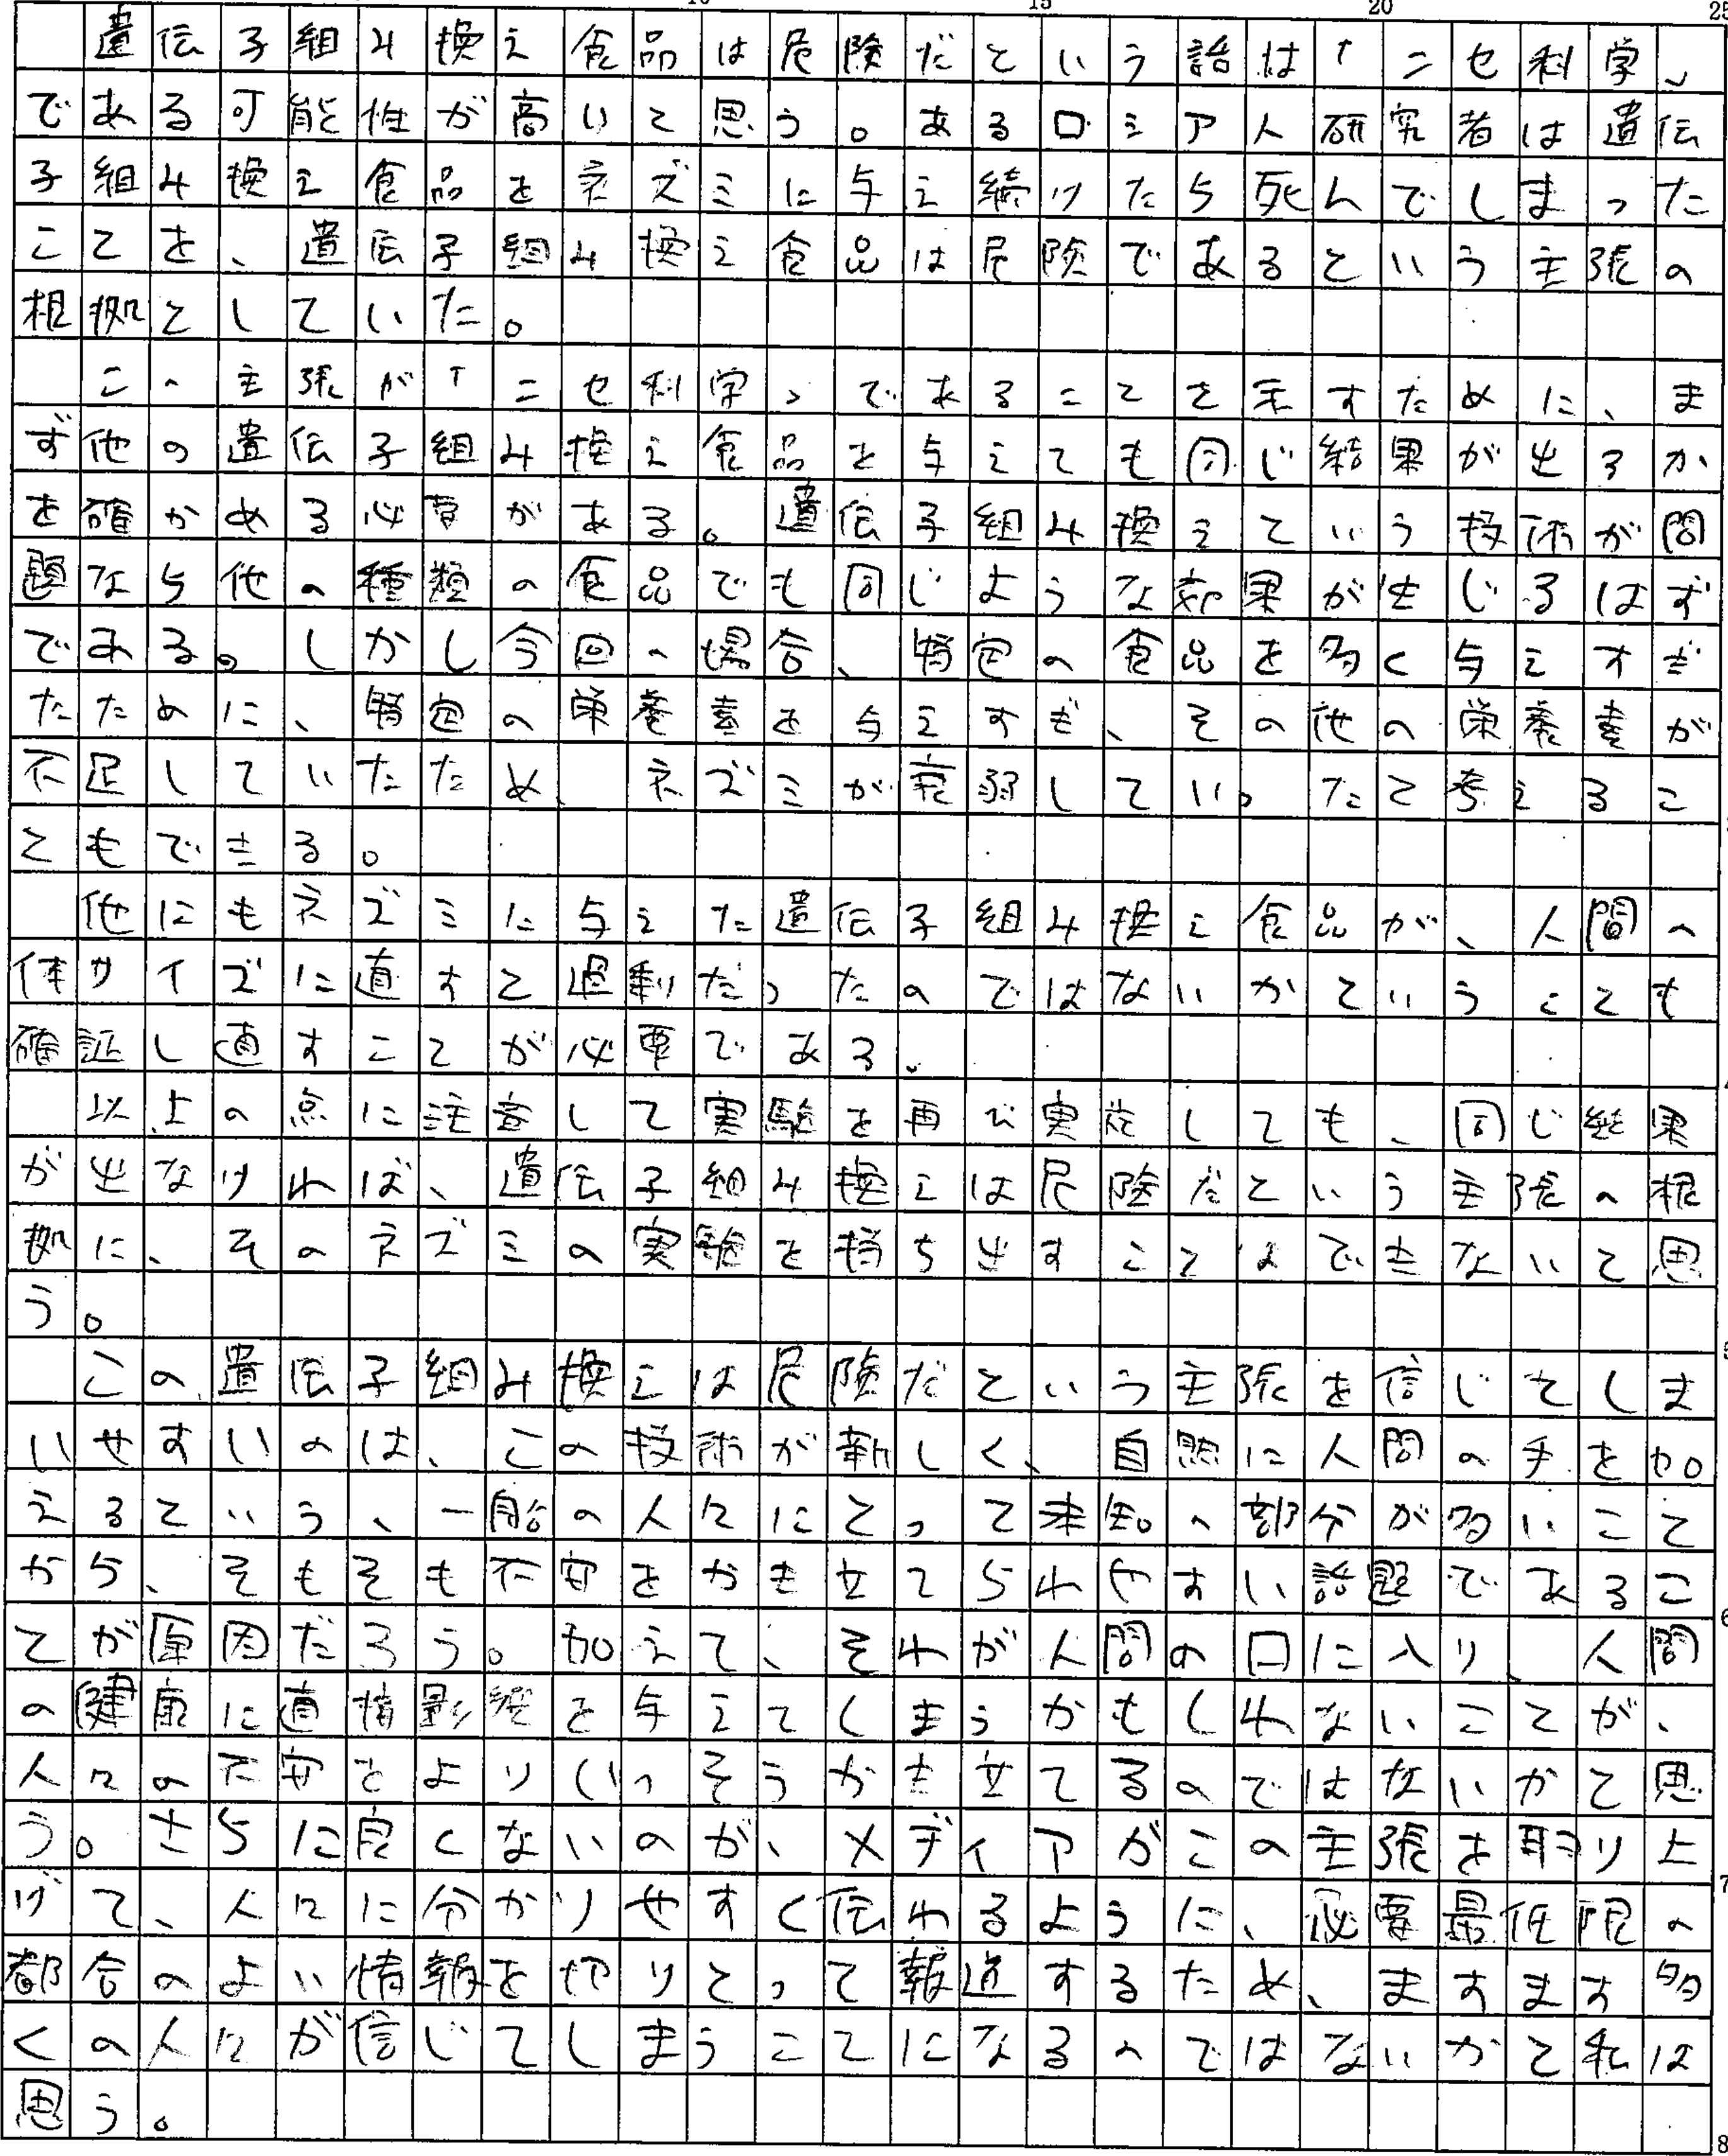　遺伝子組み換え食品は危険だという話は「ニセ科学」である可能性が高いと思う。あるロシア人研究者は遺伝子組み換え食品をネズミに与え続けたら死んでしまったことを、遺伝子組み換え食品は危険であるという主張の根拠としていた。
　この主張が「ニセ科学」であることを示すために、まず他の遺伝子組み換え食品を与えても同じ結果が出るかを確かめる必要がある。遺伝子組み換えという技術が問題なら他の種類の食品でも同じような効果が生じるはずである。しかし今回の場合、特定の食品を多く与えすぎたために、特定の栄養素を与えすぎ、その他の栄養素が不足していたため、ネズミが衰弱していったと考えることもできる。
　他にもネズミに与えた遺伝子組み換え食品が、人間の体サイズに直すと過剰だったのではないかということも確証し直すことが必要である。
　以上の点に注意して実験を再び実施しても、同じ結果が出なければ、遺伝子組み換えは危険だという主張の根拠に、そのネズミの実験を持ち出すことはできないと思う。
　この遺伝子組み換えは危険だという主張を信じてしまいやすいのは、この技術が新しく、自然に人間の手を加えるという、一船の人々にとって未知の部分が多いことから、そもそも不安をかき立てられやすい話題であることが原因だろう。加えて、それが人問の口に入り、人間の健康に直接影▁を与えてしまうかもしれないことが、人々の不安をよりいっそうかき立てるのではないかと思う。さらに良くないのが、メディアがこの主張を取り上げて、人々に分かりやすく伝わるように、必要最低限の都合のよい情報を切りとって報道するため、ますます多くの人々が信じてしまうことになるのではないかと私は思う。
